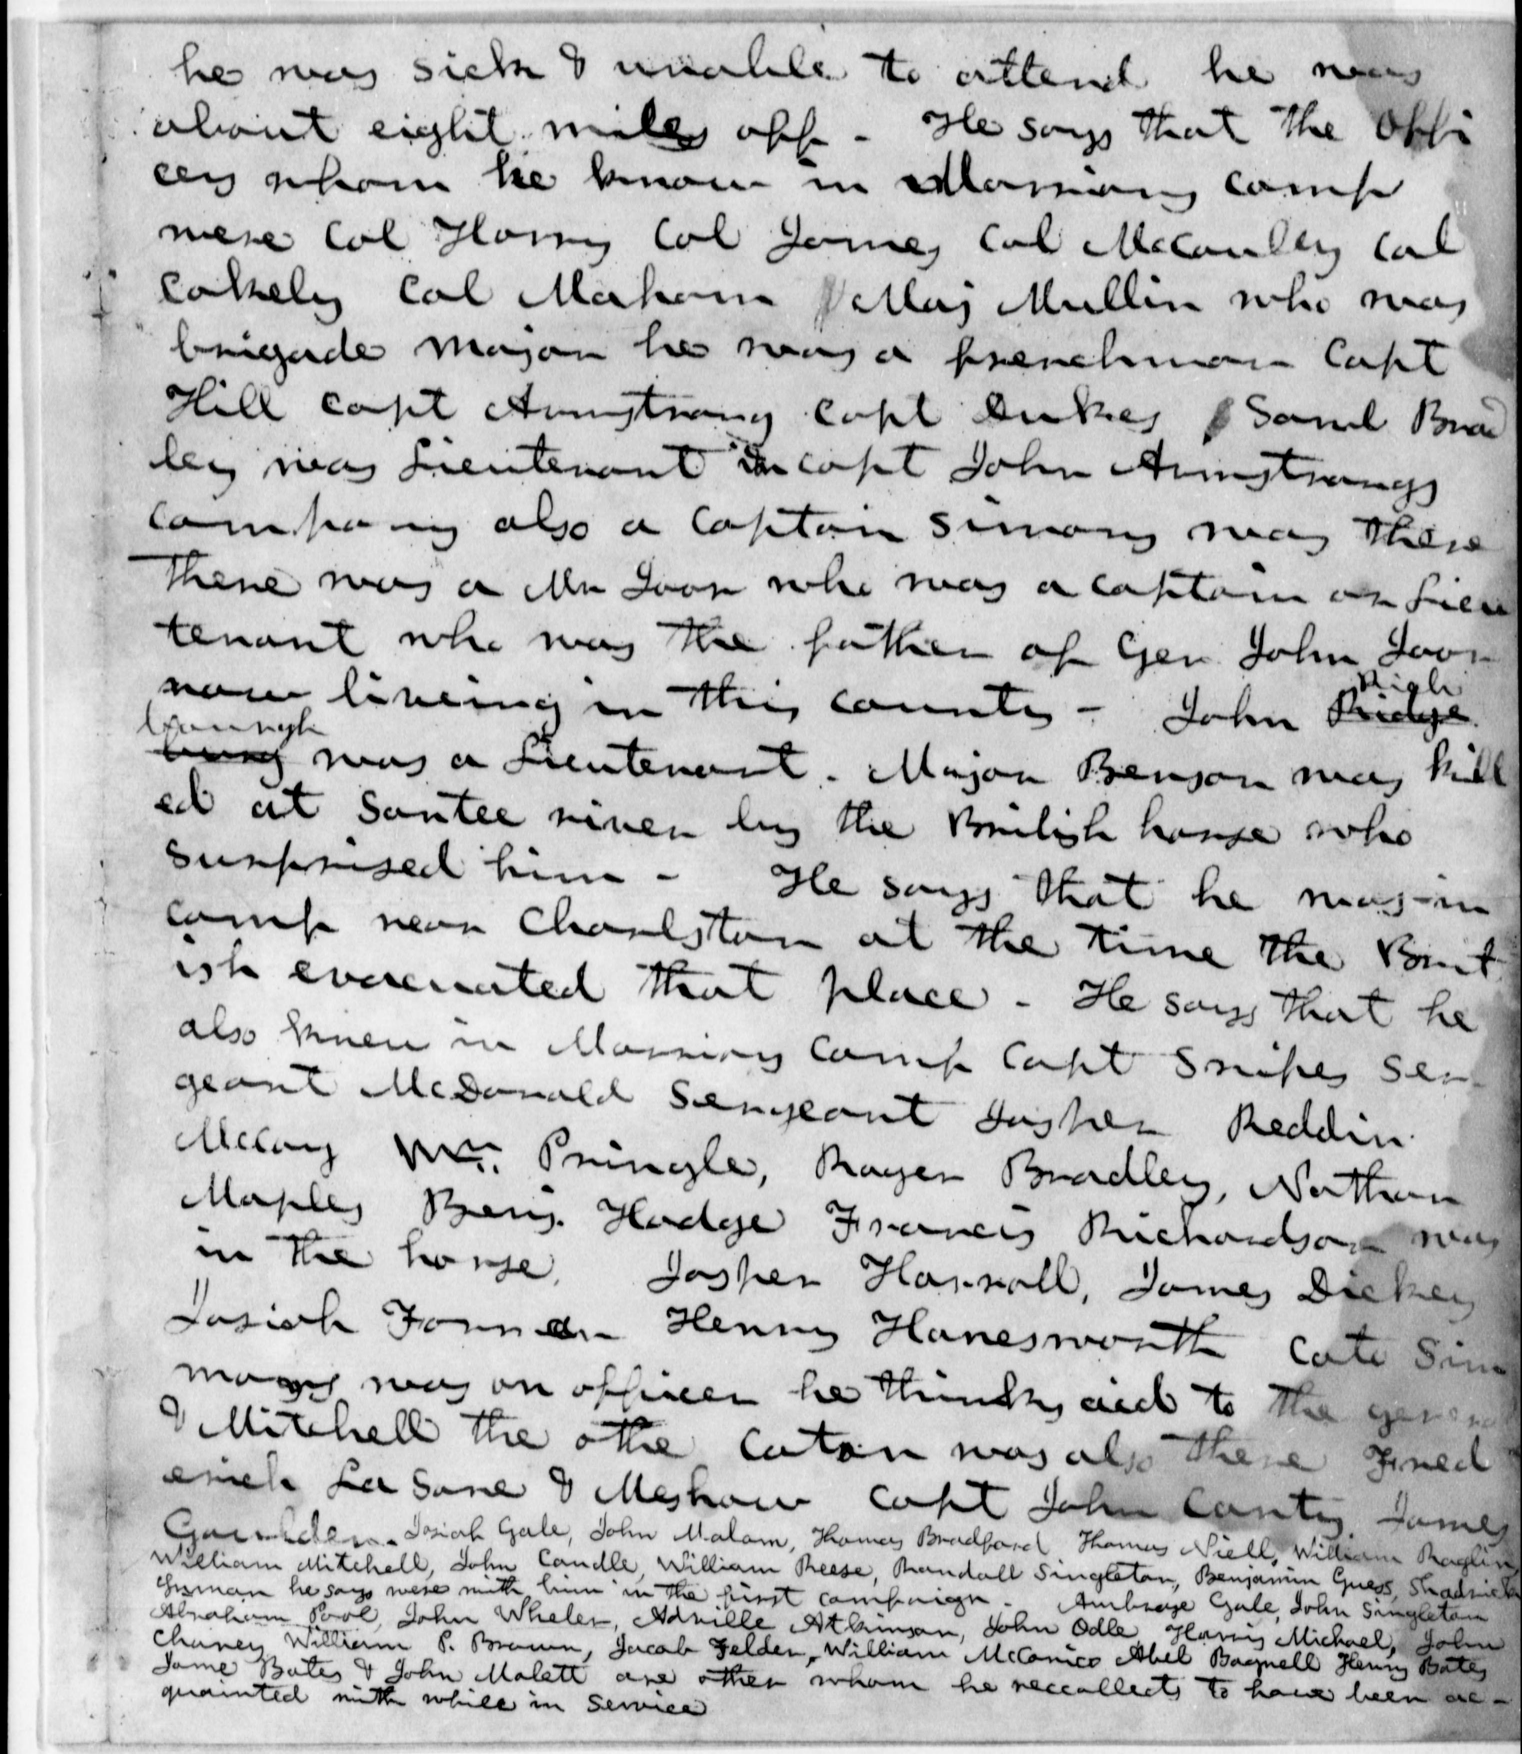he was sick & unable to attend he was about eight miles off. He says that the officers whom he know in Marrions camp were Col Horry Col James Col McCauley Col Cokely Col Maham Maj Mullin who was brigade major he was a Frenchman Capt Hill Capt Armstrong Capt Dukes Saml Bradley was Lieutenant in Capt John Armstrongs company also a Captain Simons was there There was a Wm Joon who was a captain or Lieutenant who was the father of Gen John Joon now liveing in this county. John Richbourgh was a Lieutenant. Major Benson was killed at Santee river by the British horse who surprised him. He says that he was in camp near Charleston at the time the British evacuated that place. He says that he also knew in Marrons Camp Capt Snipes Sergeant McDonald Sergeant Joshea Reddin McCary Wm. Pringle, Rayer Bradley, Nathan Maples Benj. Hodge Francis Richardson was in the horse. Jasper Harroll, James Dickey Josiah Fornen Henry Hanesworth Cate Simmons was an officer he thinks aid to the general & Mitchell the other Caton was also there Frederick Lasane & Meshaw Capt John Canty, James Gaulden Josiah Gale, John Malam, Thomas Bradford, Thomas Niell, William Raglin, William Mitchell, John Candle, William Reese, Randall Singleton, Benjamin Guess, Shadrick Gusman he says were with him in the first campaign. Ambrose gale, John Singleton Abraham Pool, John Wheler, Adville Atkinson, John Odle, Harris Michael, John Chancy William P. Brown, Jacob Felder, William McConico Abel Bagnell Henry Bates Jame Bates & John Molett are other whom he reccollects to have been acquainted with while in service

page: 25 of 38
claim: survivor's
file: S. 30. 239, William Abbott, S.C.